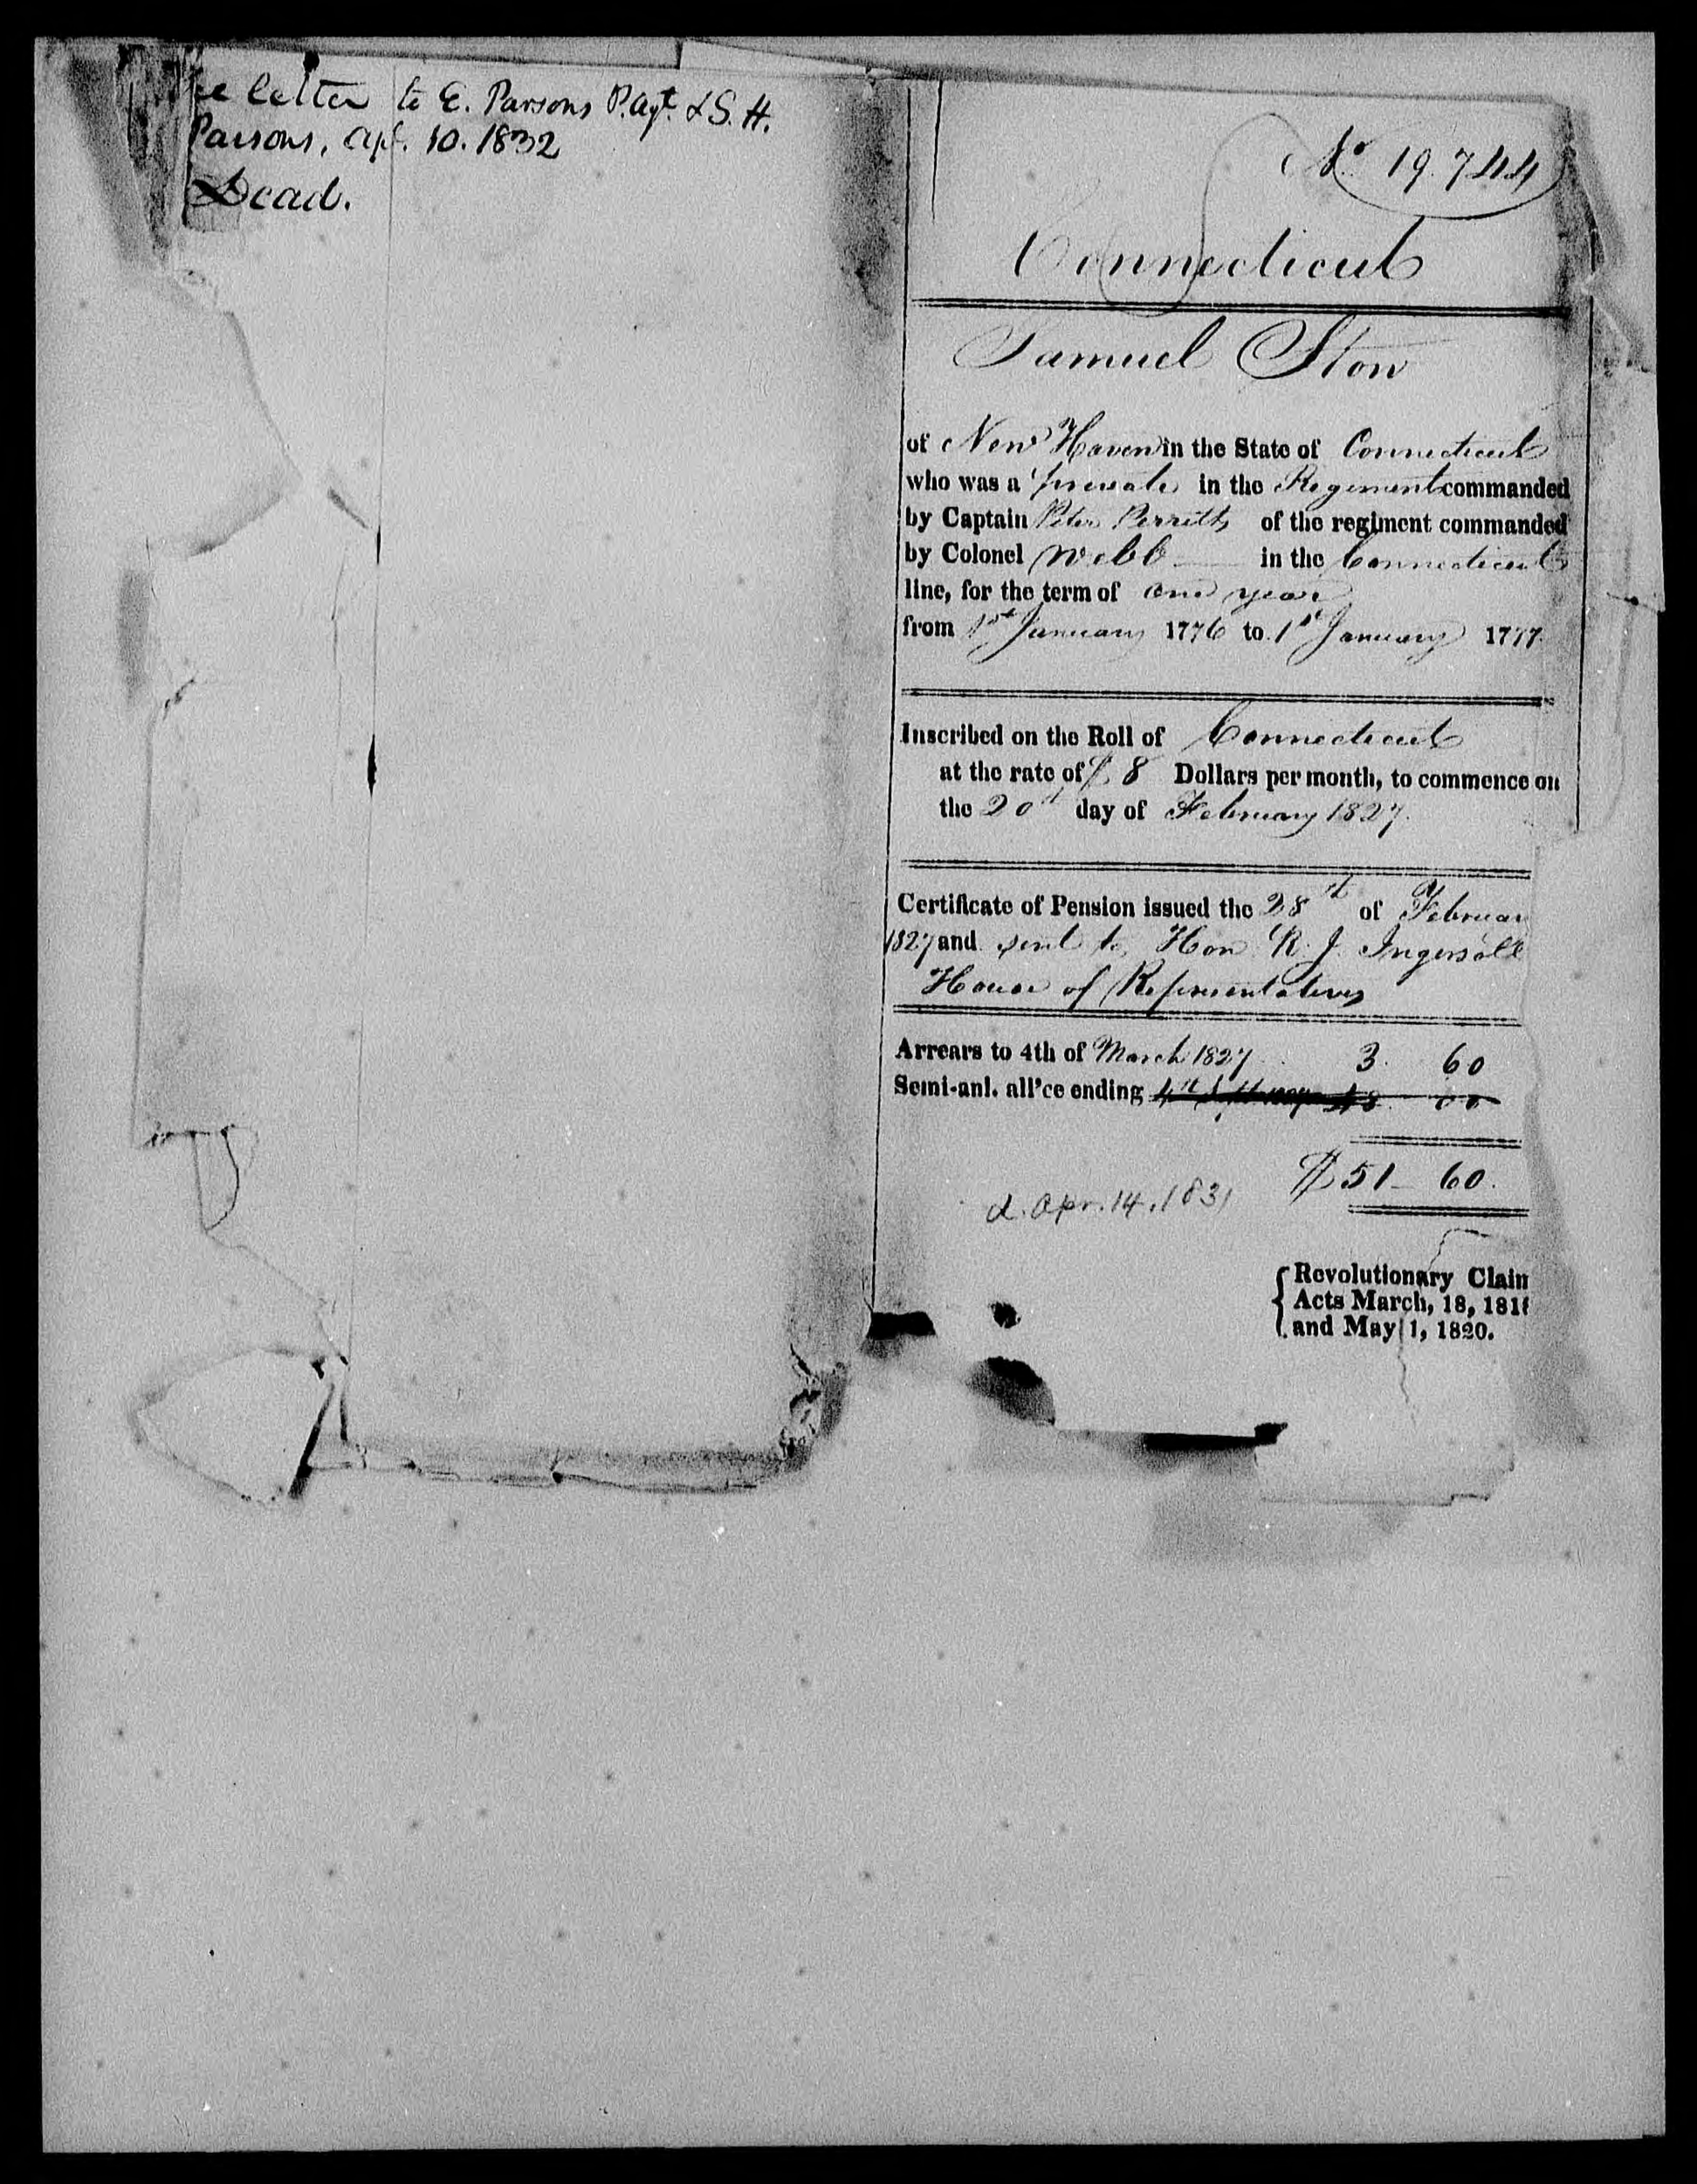See letter to E. Parsons, P. Agt. & S.H. Parsons,
Apr. 10, 1832
Dead.

No. 19,744
Connecticut
Samuel Stow
of New Haven in the State of Connecticut
who was a private in the Regiment commanded by Captain Peter Perritt of the regiment commanded by Colonel Webb in the Connecticut line, for the term of one year
from 1 January 1776 to 1st January 1771
Inscribed on the Roll of Connecticut
at the rate of 8 Dollars per month, to commence on the 20th day of February 1827.

Certificate of Pension issued the 28th of February 1827 and sent to Hon R.J. Ingersoll
House of Representatives
Arrears to 4th of March 1827 - $3.60
Semi-anl. all'ce ending Apr. 14, 1831 -$51.60
---
{Revolutionary Claim
Acts March, 18, 1818
and May 1, 1820.}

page: 2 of 42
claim: survivor's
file: S. 36,819, for Samuel Stow, Connecticut